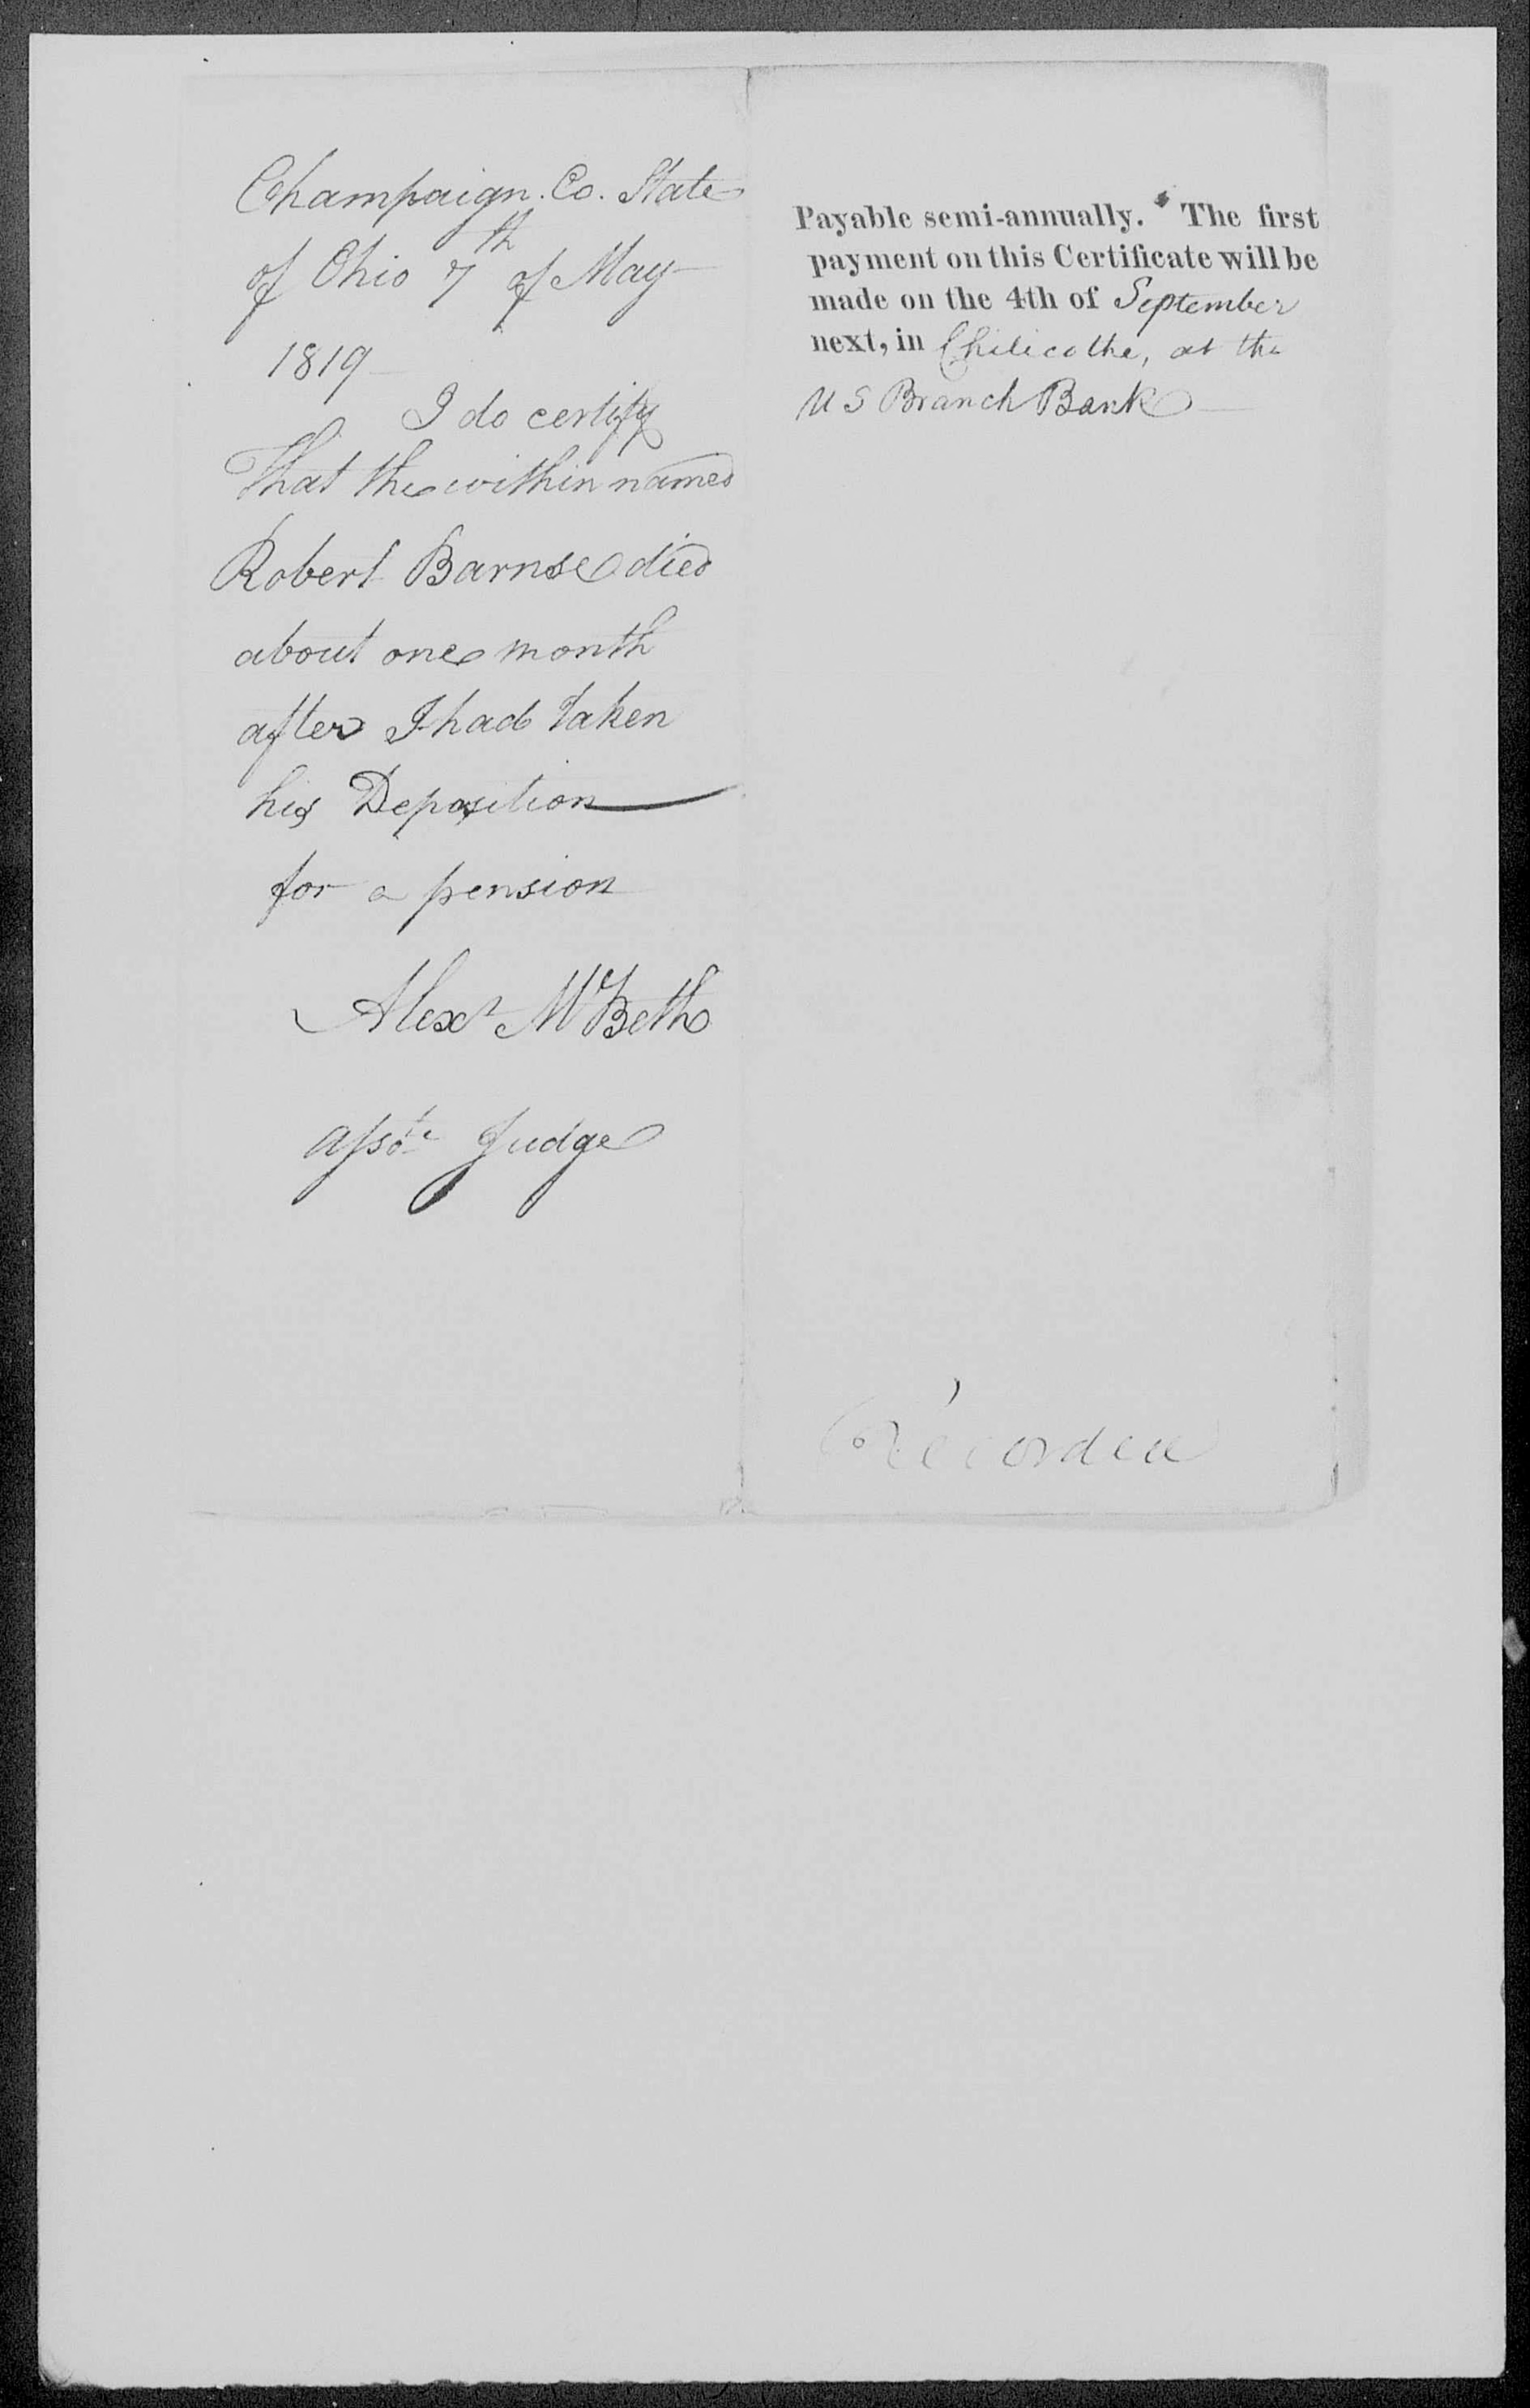Champaign Co. State of Ohio 7th of May 1819.
   I do certify that the within names Robert Barnse died about one month after I had taken his deposition for a pension.
//s//
Alexr McBeth
Associate Judge

Payable semi-annually, The first payment on this Certificate will be made on the 4th September next, Chilicothe, at the U.S. Branch Bank.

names: Alexr Mc Beth, Robert Barnse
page: 7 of 9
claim: survivor's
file: S. 45240, Robert Barnse, Continental Penn.